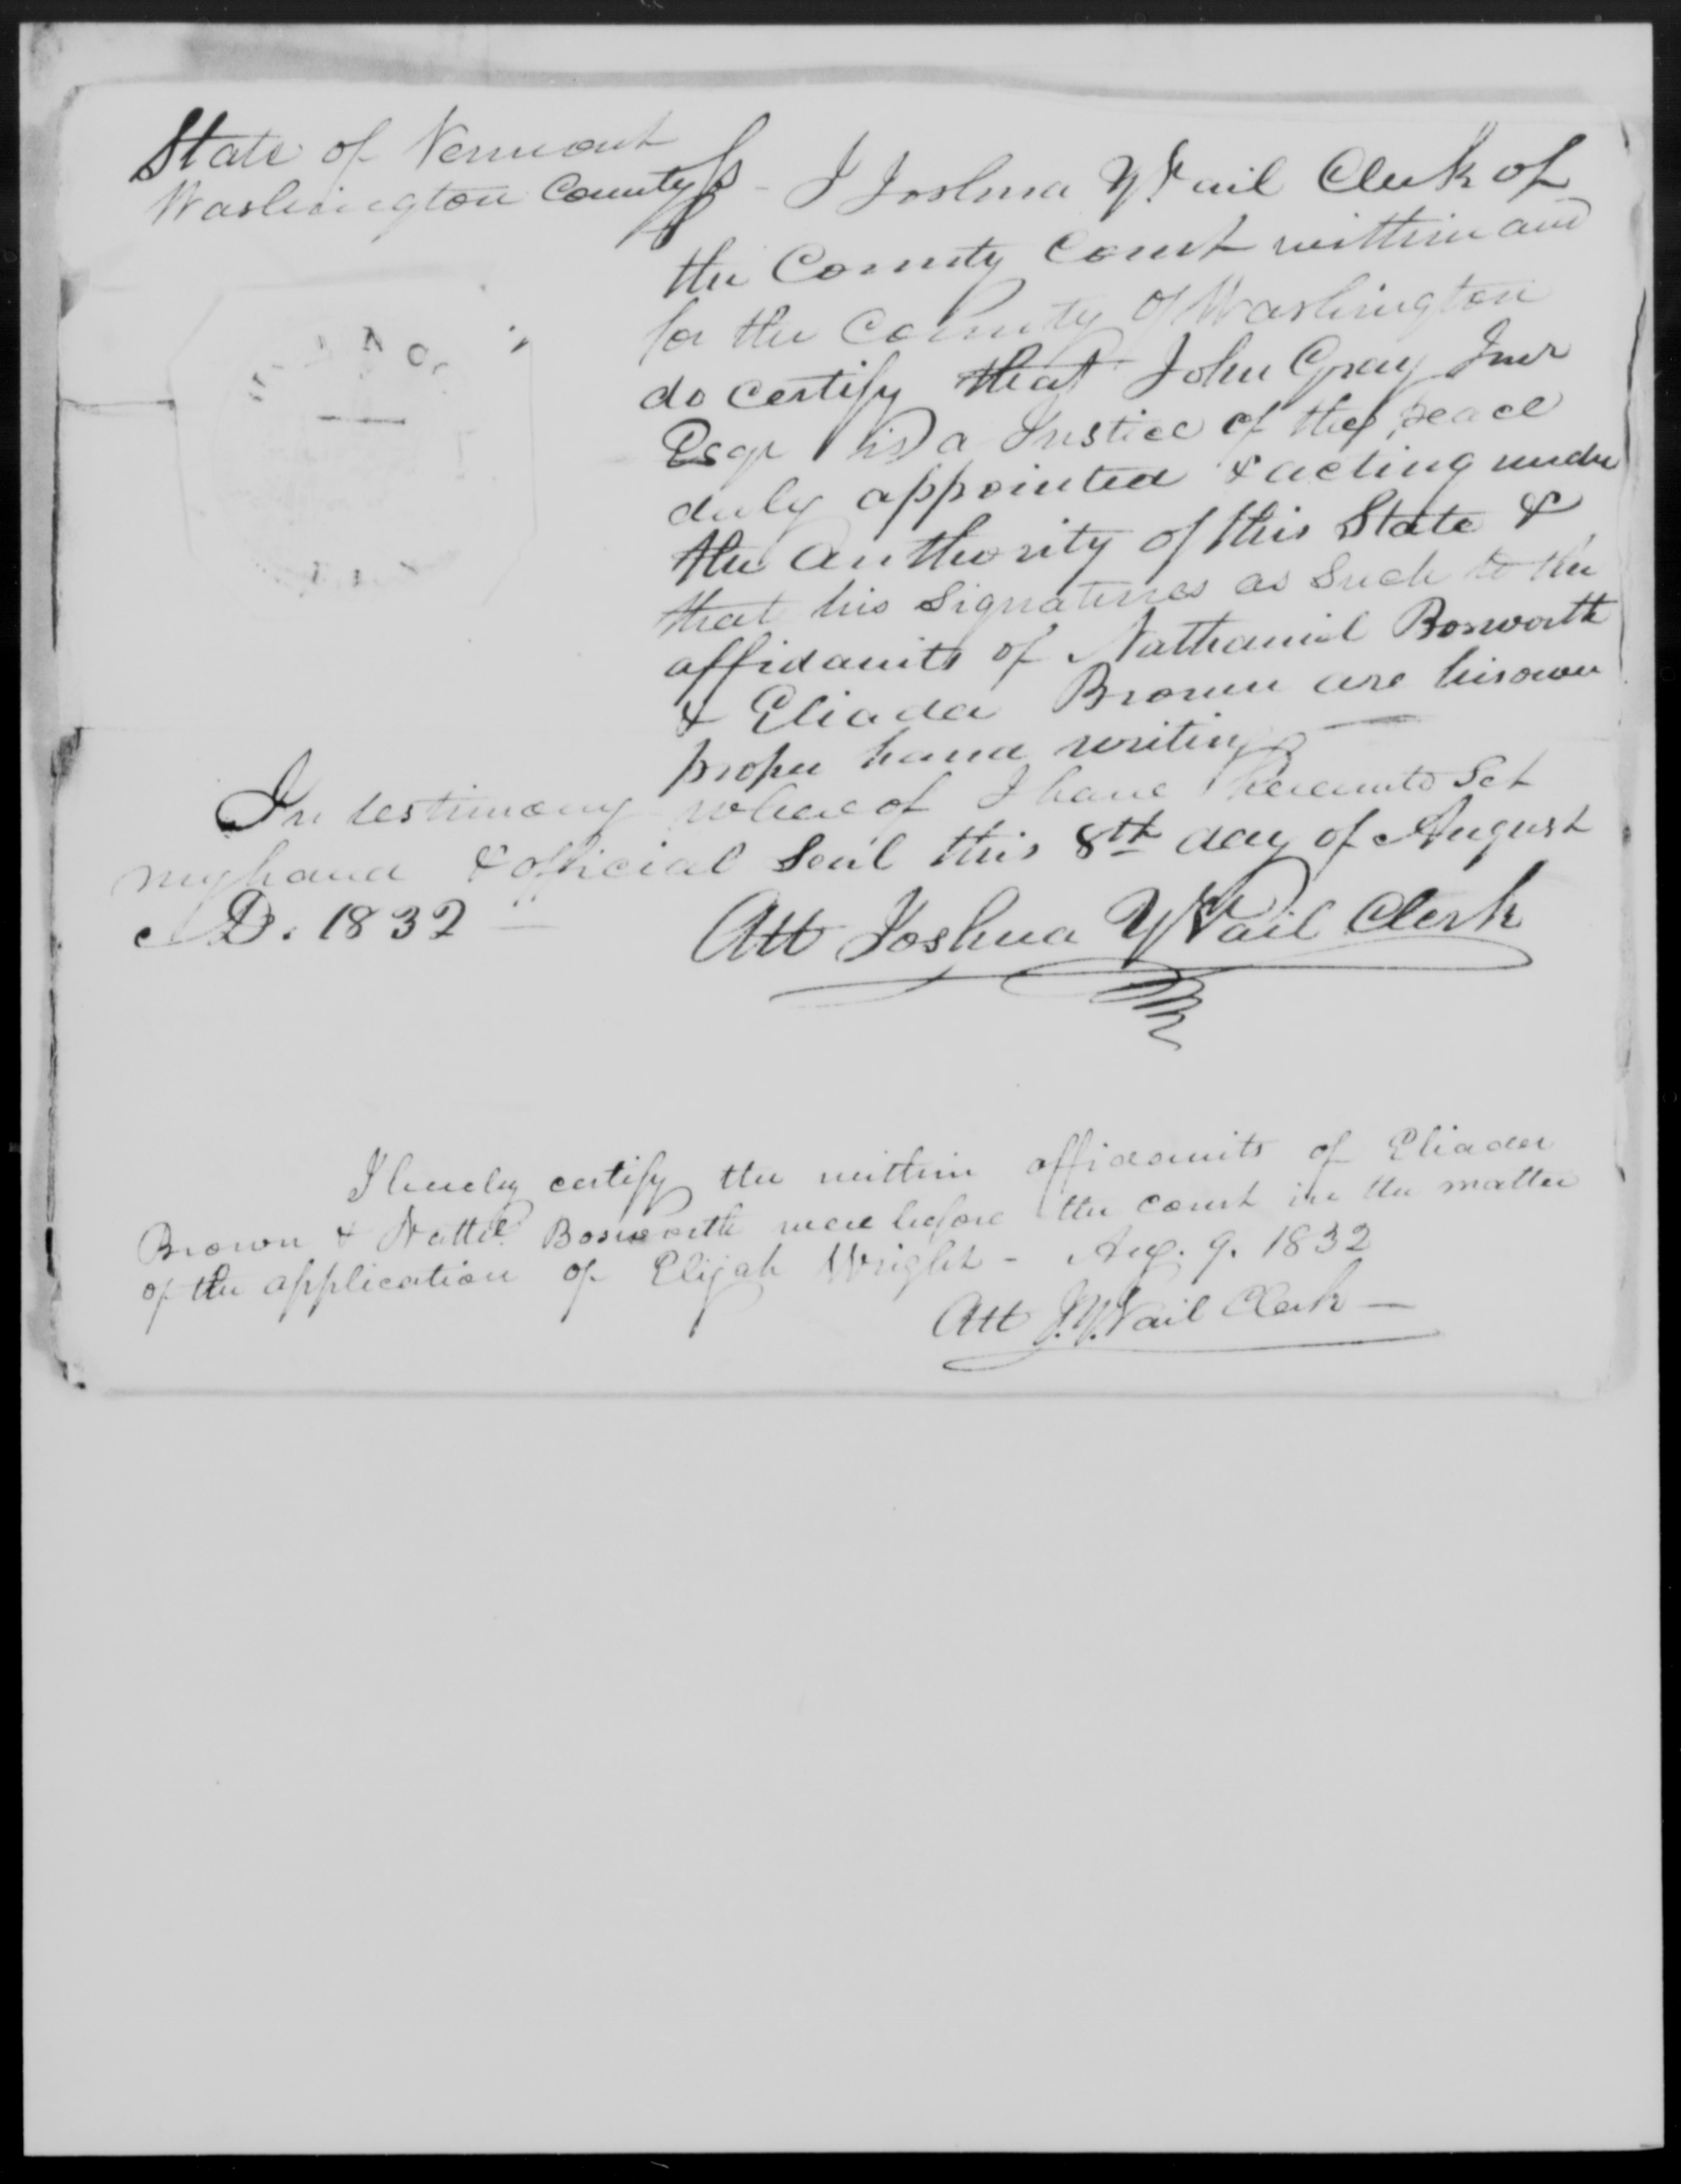State of Vermont
Washington County Ss-- I Joshua Y Vail Clerk of the County Court within and for the County of Washington do certify that John Gray Junr
Esqr is a Justice of the peace duly appointed & acting under the authority of this State & that his signatures as such to the affidavits of Nathaniel Bosworth & Eliada Brown are his own proper hand writing----
In testimony whereof I have hereunto set
my hand & official seal this 8th day of August
D. 1832-
Att Joshua Y Vail Clerk
I hereby certify the within affidavits of Eliada Brown & Nathl. Bosworth were before the court in the matter of the application of Elijah Wright Aug. 9. 1832
Att J. Y. Vail Clerk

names: Elijah Wright, John Gray, Nathaniel Bosworth, Eliada Brown, Joshua Y Vail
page: 21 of 26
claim: widow's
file: W. 26,137, Elijah Wright, N.H.